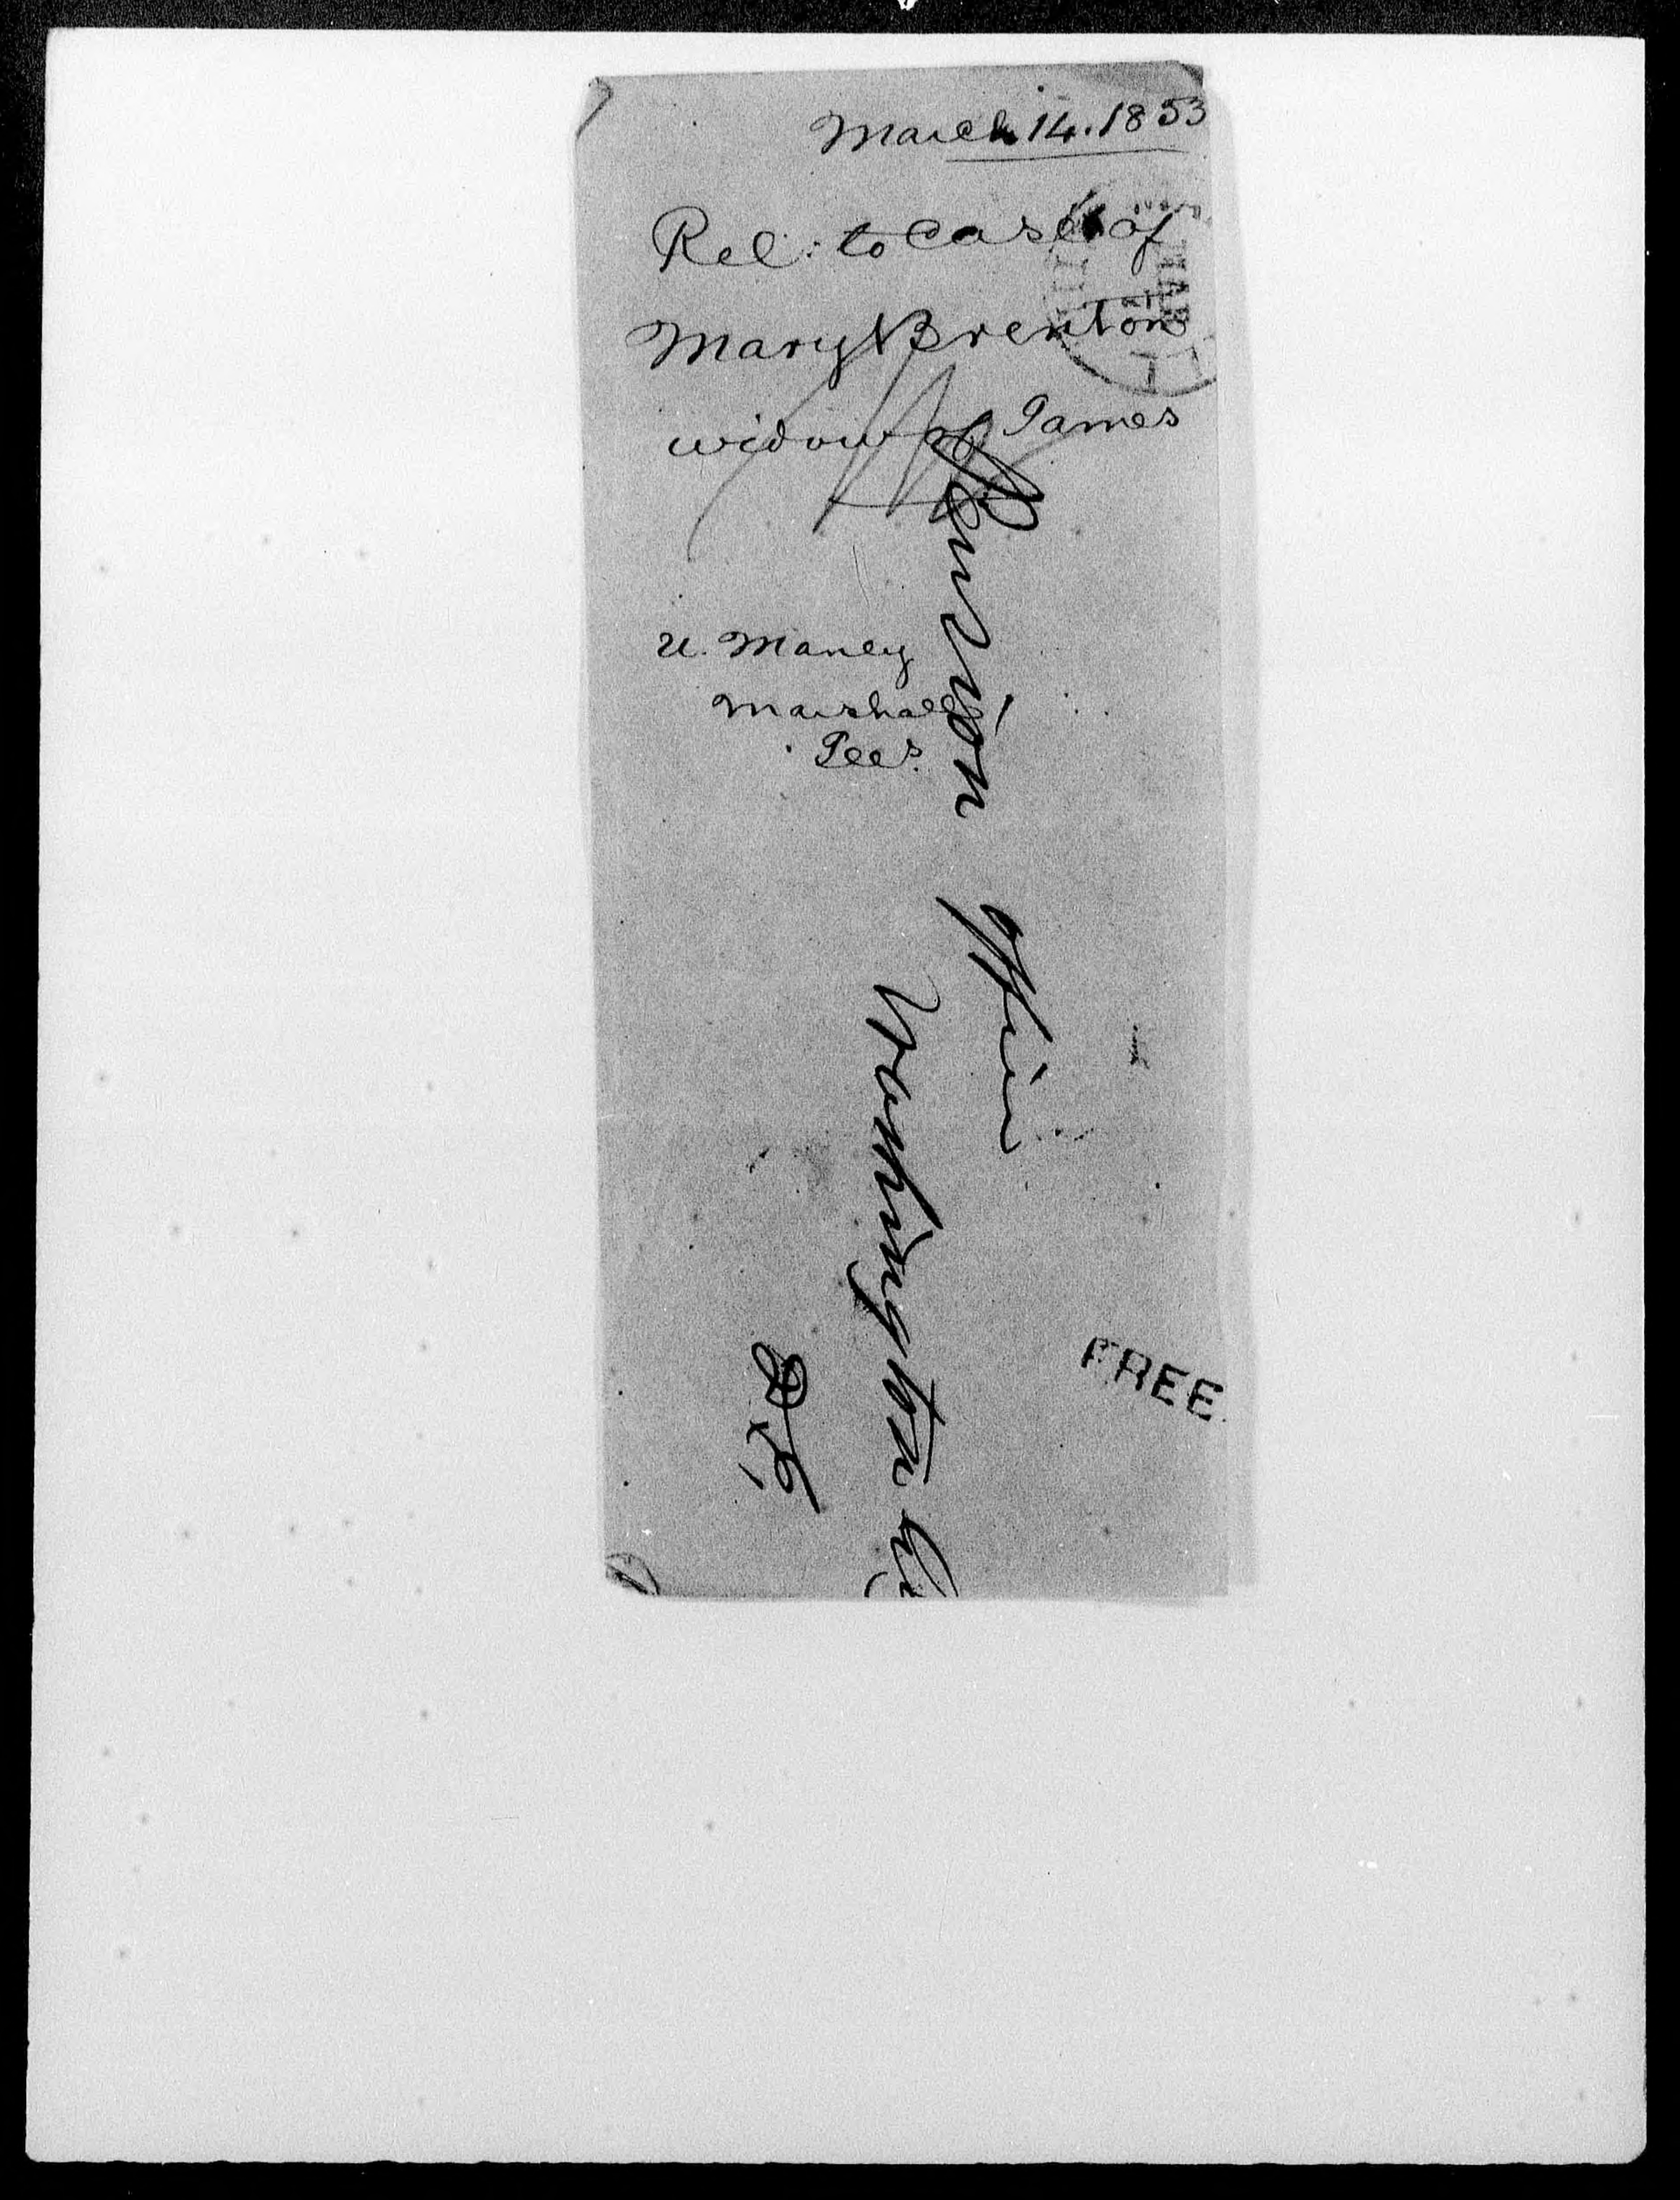March 14,1853
Rel. to case of Mary Brenton widow of James
U. Manly 
Marshall
[illegible]

[addressed to:]
Pension Office
Washington D C
(FREE)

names: Mary Brenton, James Brenton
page: 33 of 49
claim: widow's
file: W. 2518, James Brenton, Va.